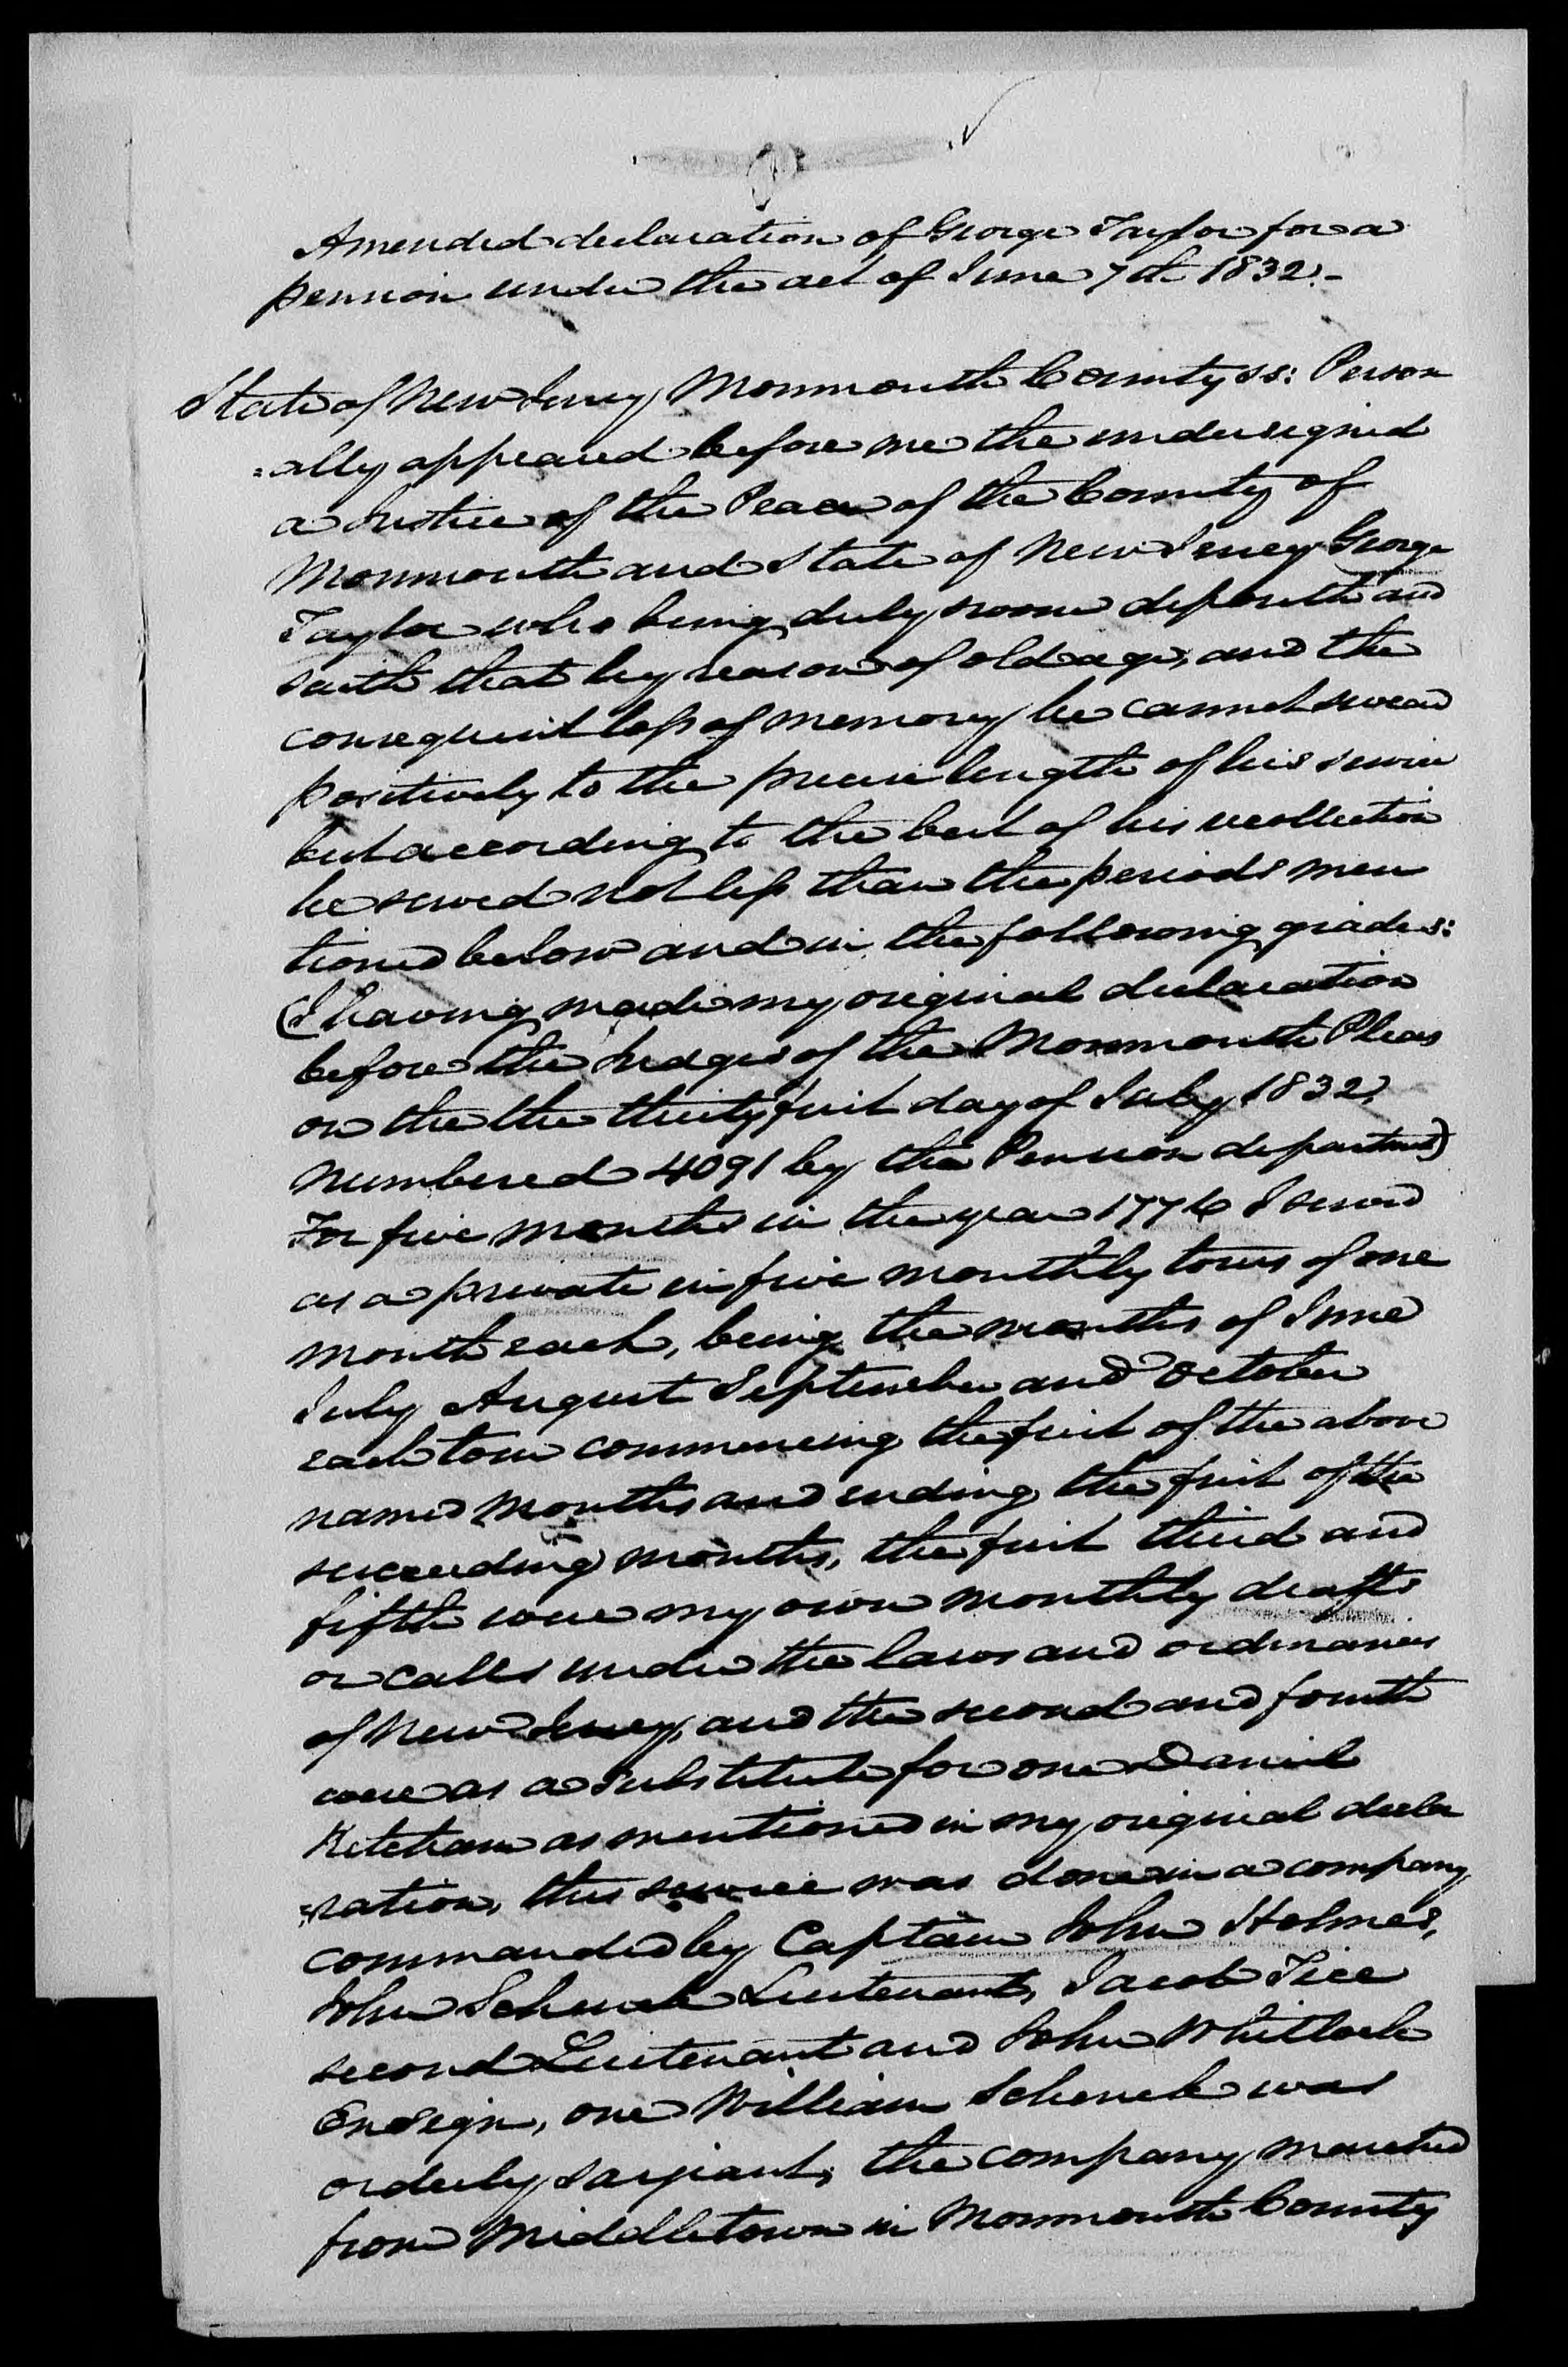Amended declaration of George Taylor for
pension under the act of June 7th 1832.-
State of New Jersey Monmouth County SS: Personally appeared before me the undersigned Justice of the Peace of the County of Monmouth and State of New Jersey George
Taylor who being duly sworn deposeth and
saith that by reason of old age, and the
consequent loss of memory he cannot swear
positively to the precise length of his service
but according to the best of his recollection
he served not less than the periods mentioned below and in the following grades: (I having made my original declaration before the Judges of the Monmouth Pleas on the the thirty first day of July 1832 numbered 4091 by the Pension department)
For five months in the year 1776 I served
as a private in five monthly tours of one
month each, being the month of June
July August September and October
each tour commencing the first of the above
named months and ending the first of the
succeeding months, the first third and
fifth were my own monthly drafts
or calls under the laws and ordinances
of New Jersey and the second and fourth
were as a substitute for one Daniel
Ketcham as mentioned in my original declaration, this service was done in a company commanded by Captain John Holmes, John Schenck Lieutenant Jacob Tice
Second Lieutenant and John Whitlock
Ensign, one William Schenck was
orderly Sargeant the company marched
from Middletown in Monmouth County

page: 4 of 33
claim: survivor's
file: S. 925, for George Taylor, New Jersey